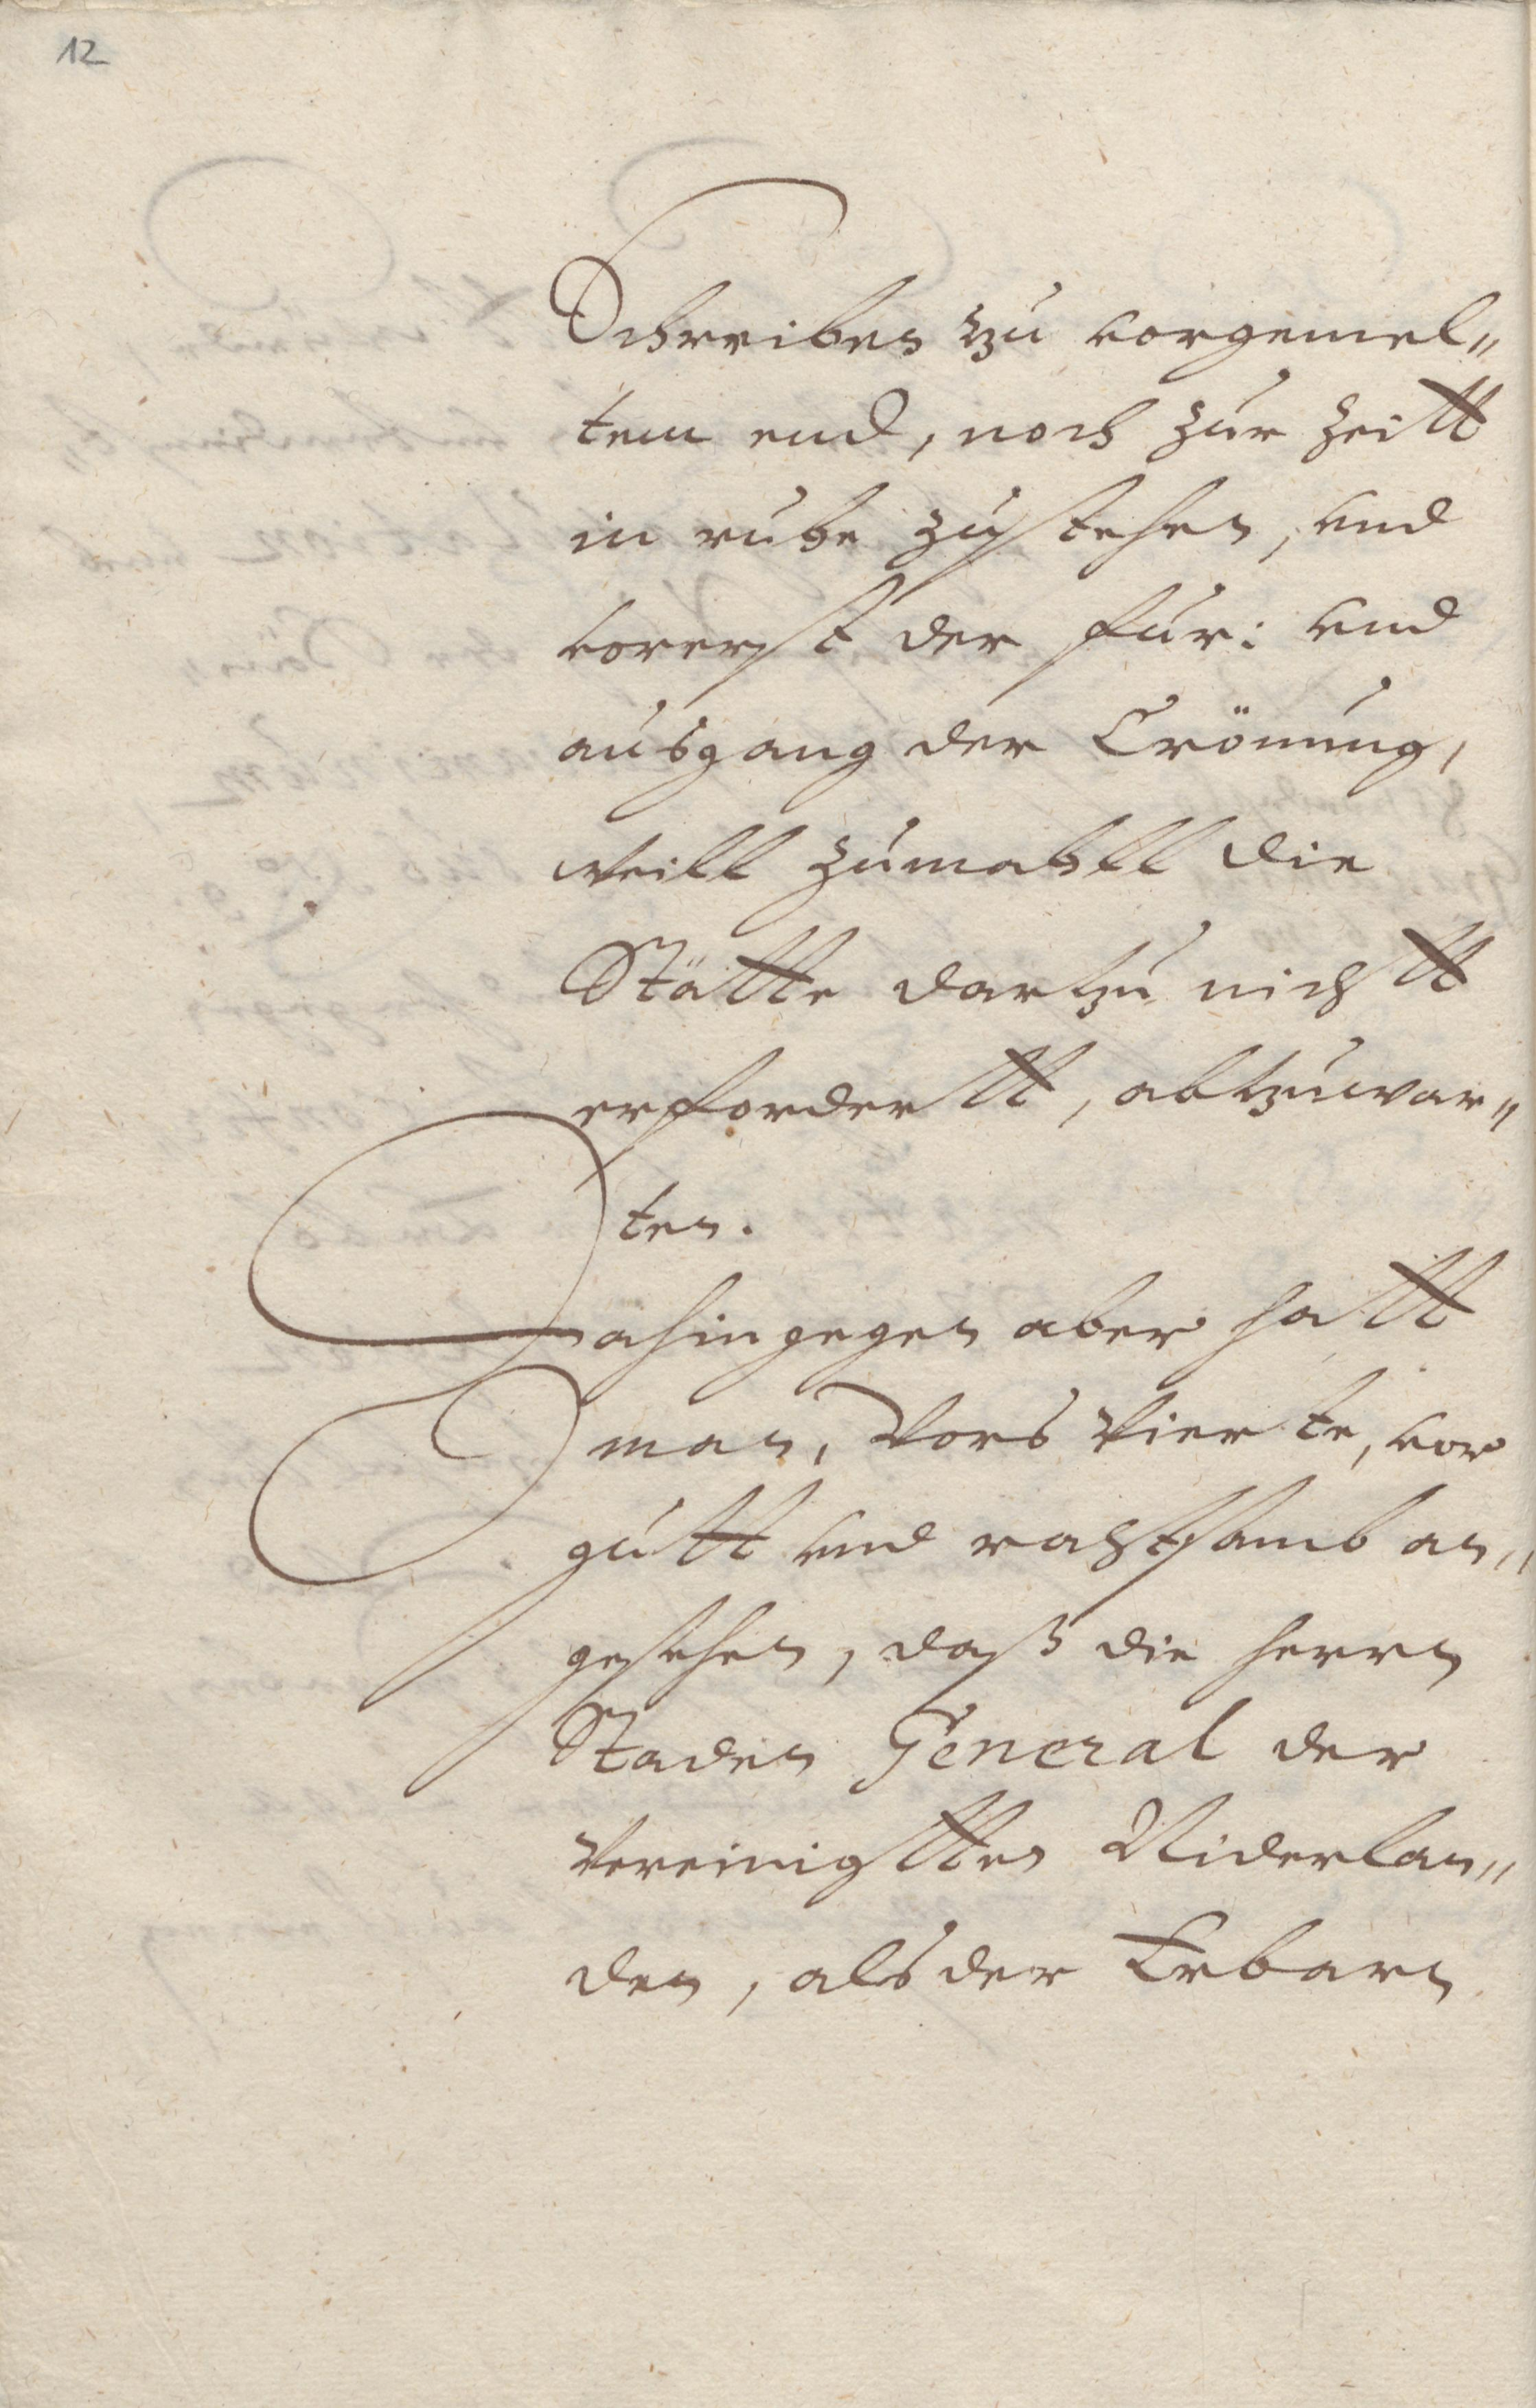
Schreiben zu vorgemel¬
tem end, noch zur zeitt
in ruhe zustehen, vnd
vorerst der fur: vnd
ausgang der Crönung,
weill zumahll die
Stätte dartzu nichtt
erfordertt, abtzuwar¬
ten.
Dahingegen aber hatt
man, Vors Vierte, vor
gutt vnd rahtsamb an¬
gesehen, daß die herrn
Staden general der
Vereinigtten Niderlan¬
den, als der Erbarn
